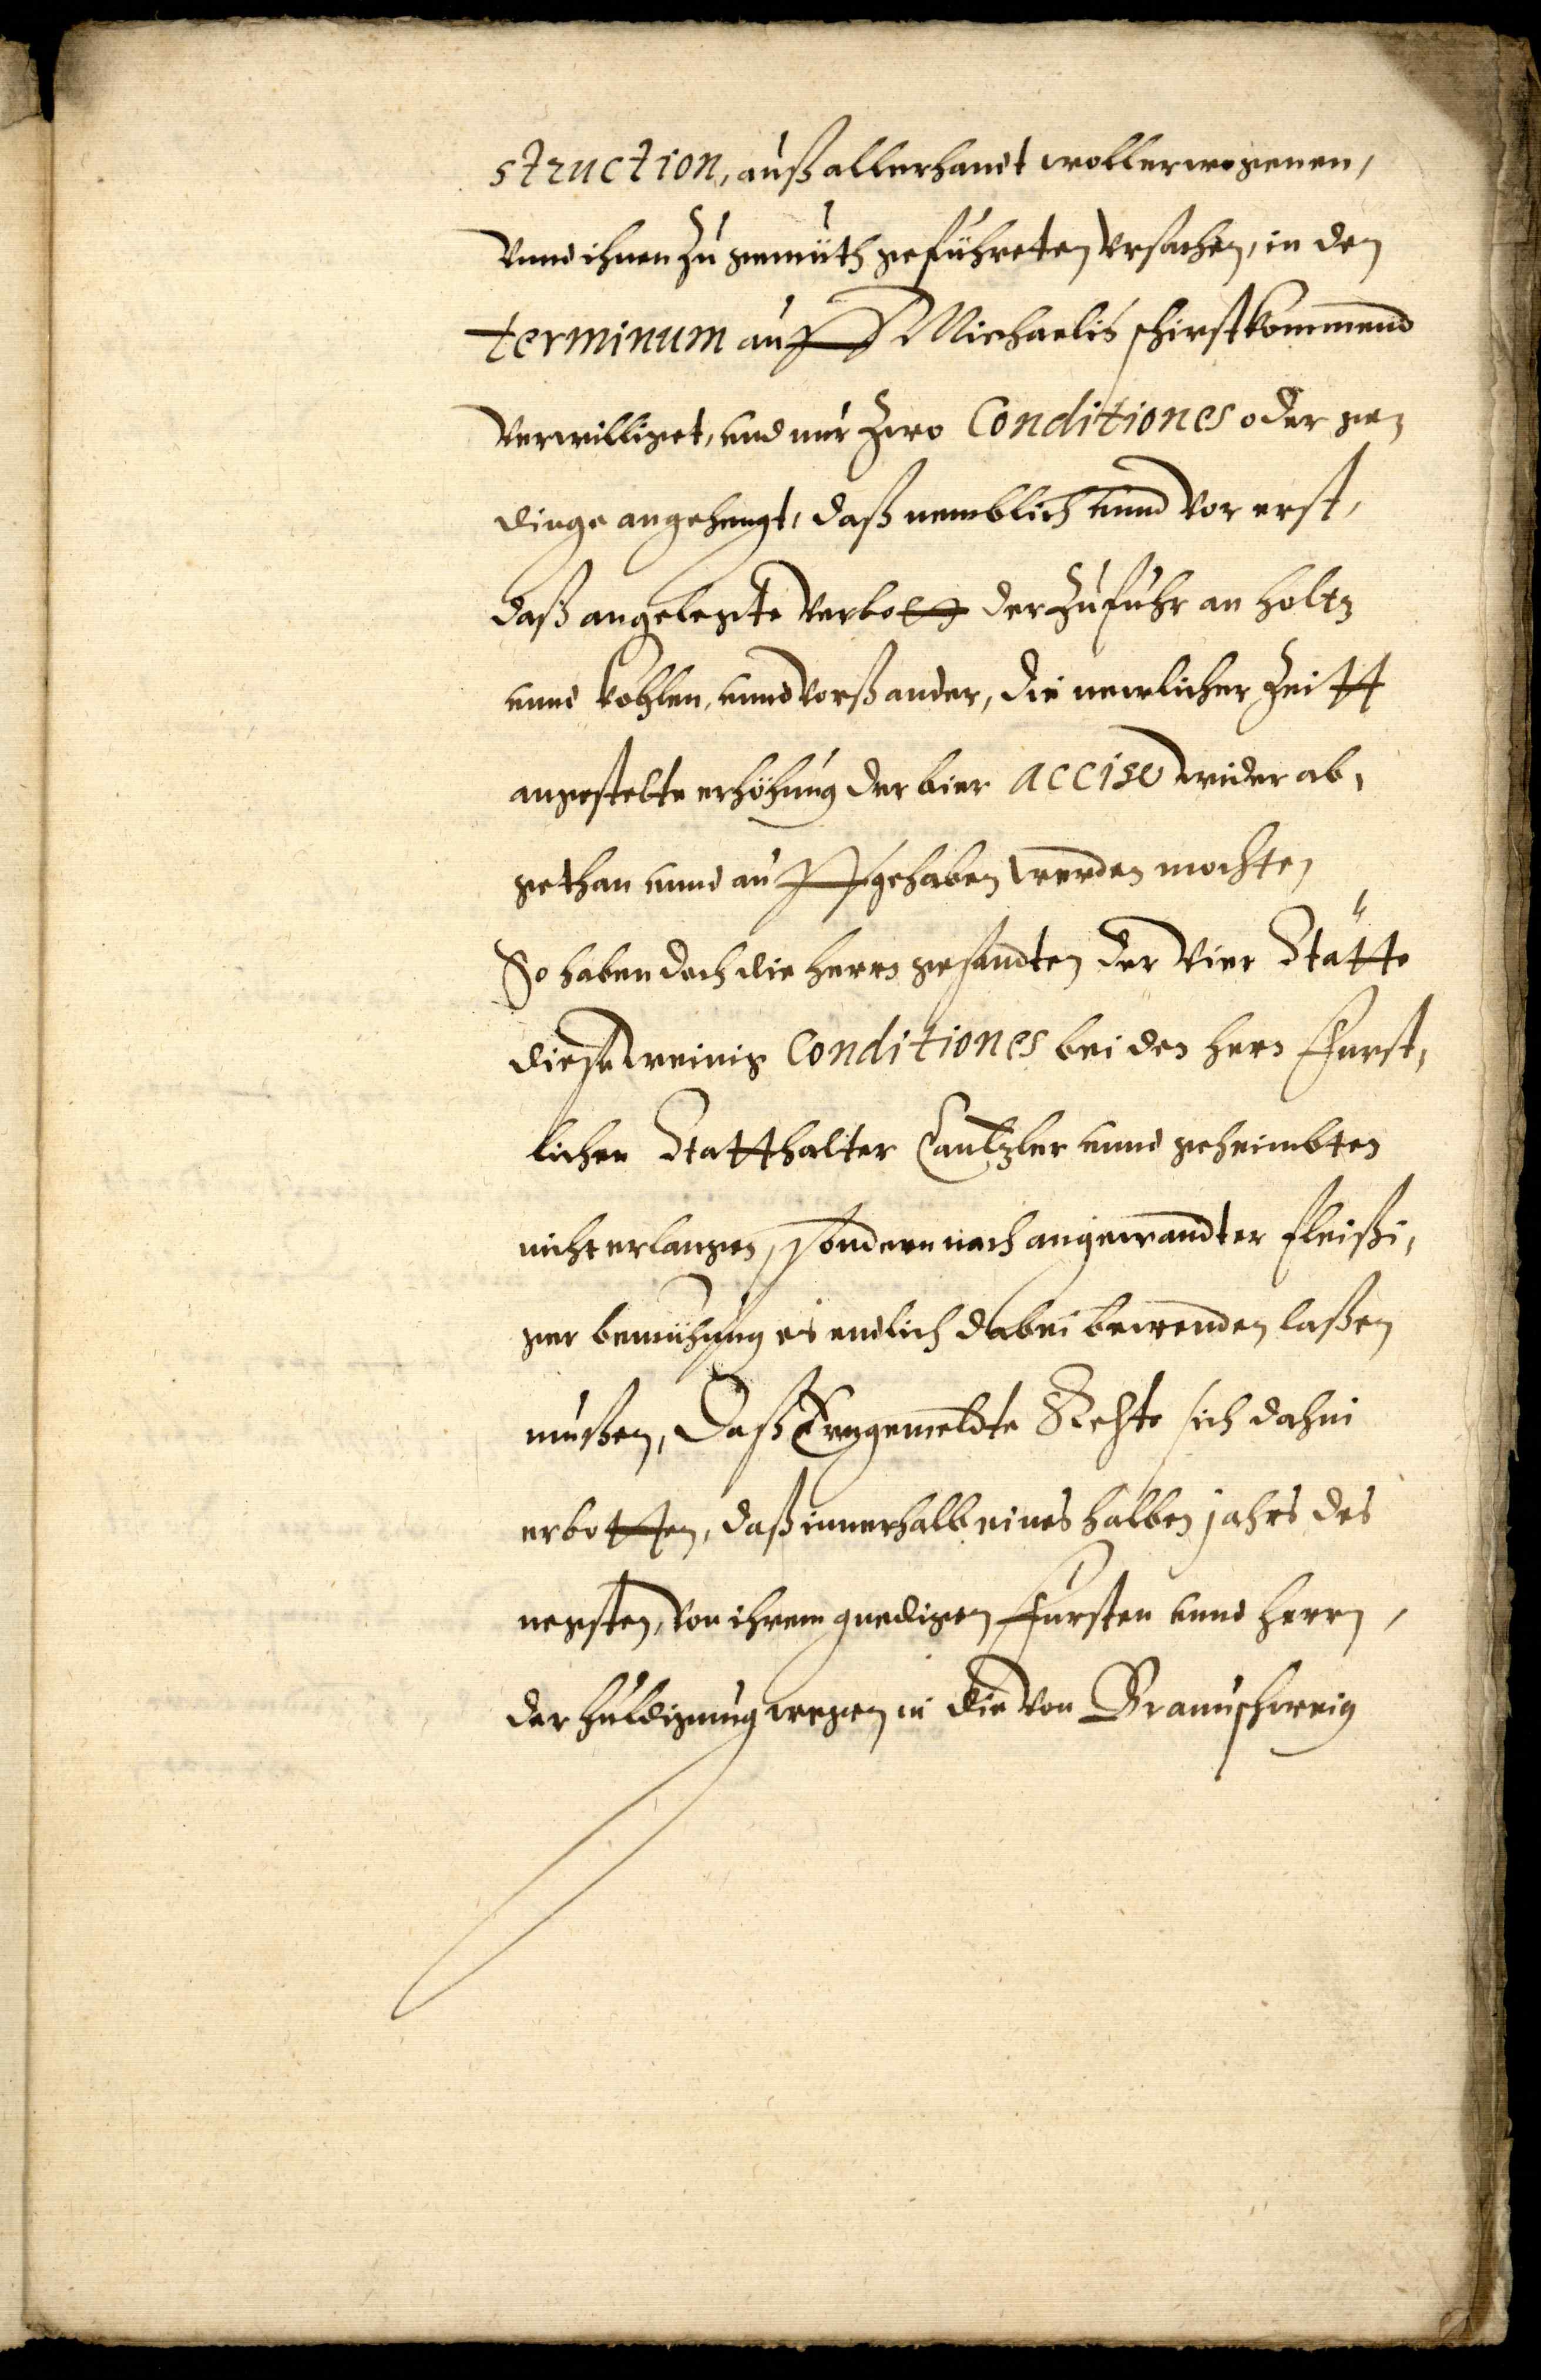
struction, auß allerhandt wollerwogenen,
vnnd ihnen zu gemüth geführeten vrsachen, in den
terminum auff Michaelis schirstkommend
verwilliget, vnd nur zwo Conditiones oder ge¬
dinge angehengt, daß nemblich vnnd vor erst,
daß angelegte verbott der zufuhr an holtz
vnnd Kohlen, vnnd vorß ander, die newlicher Zeitt
angestelte erhöhung der bier accise wider ab¬
gethan vnnd auffgehoben werden mochte,
So haben doch die herrn gesandten der Vier Stätte
diese weinig conditiones bei den hern Furst¬
lichen Statthalter Cantzler vnnd geheimbten
nicht erlangen, sondern nach angewandter fleißi¬
ger bemühung es endlich dabei bewenden laßen
mußen, Daß Erngemeldte Rehte sich dahin
erbotten, daß innerhalb eines halben jahrs des
negsten, von ihrem gnedigen Fursten vnnd herrn,
der huldigung wegen in die von Braunschweig
